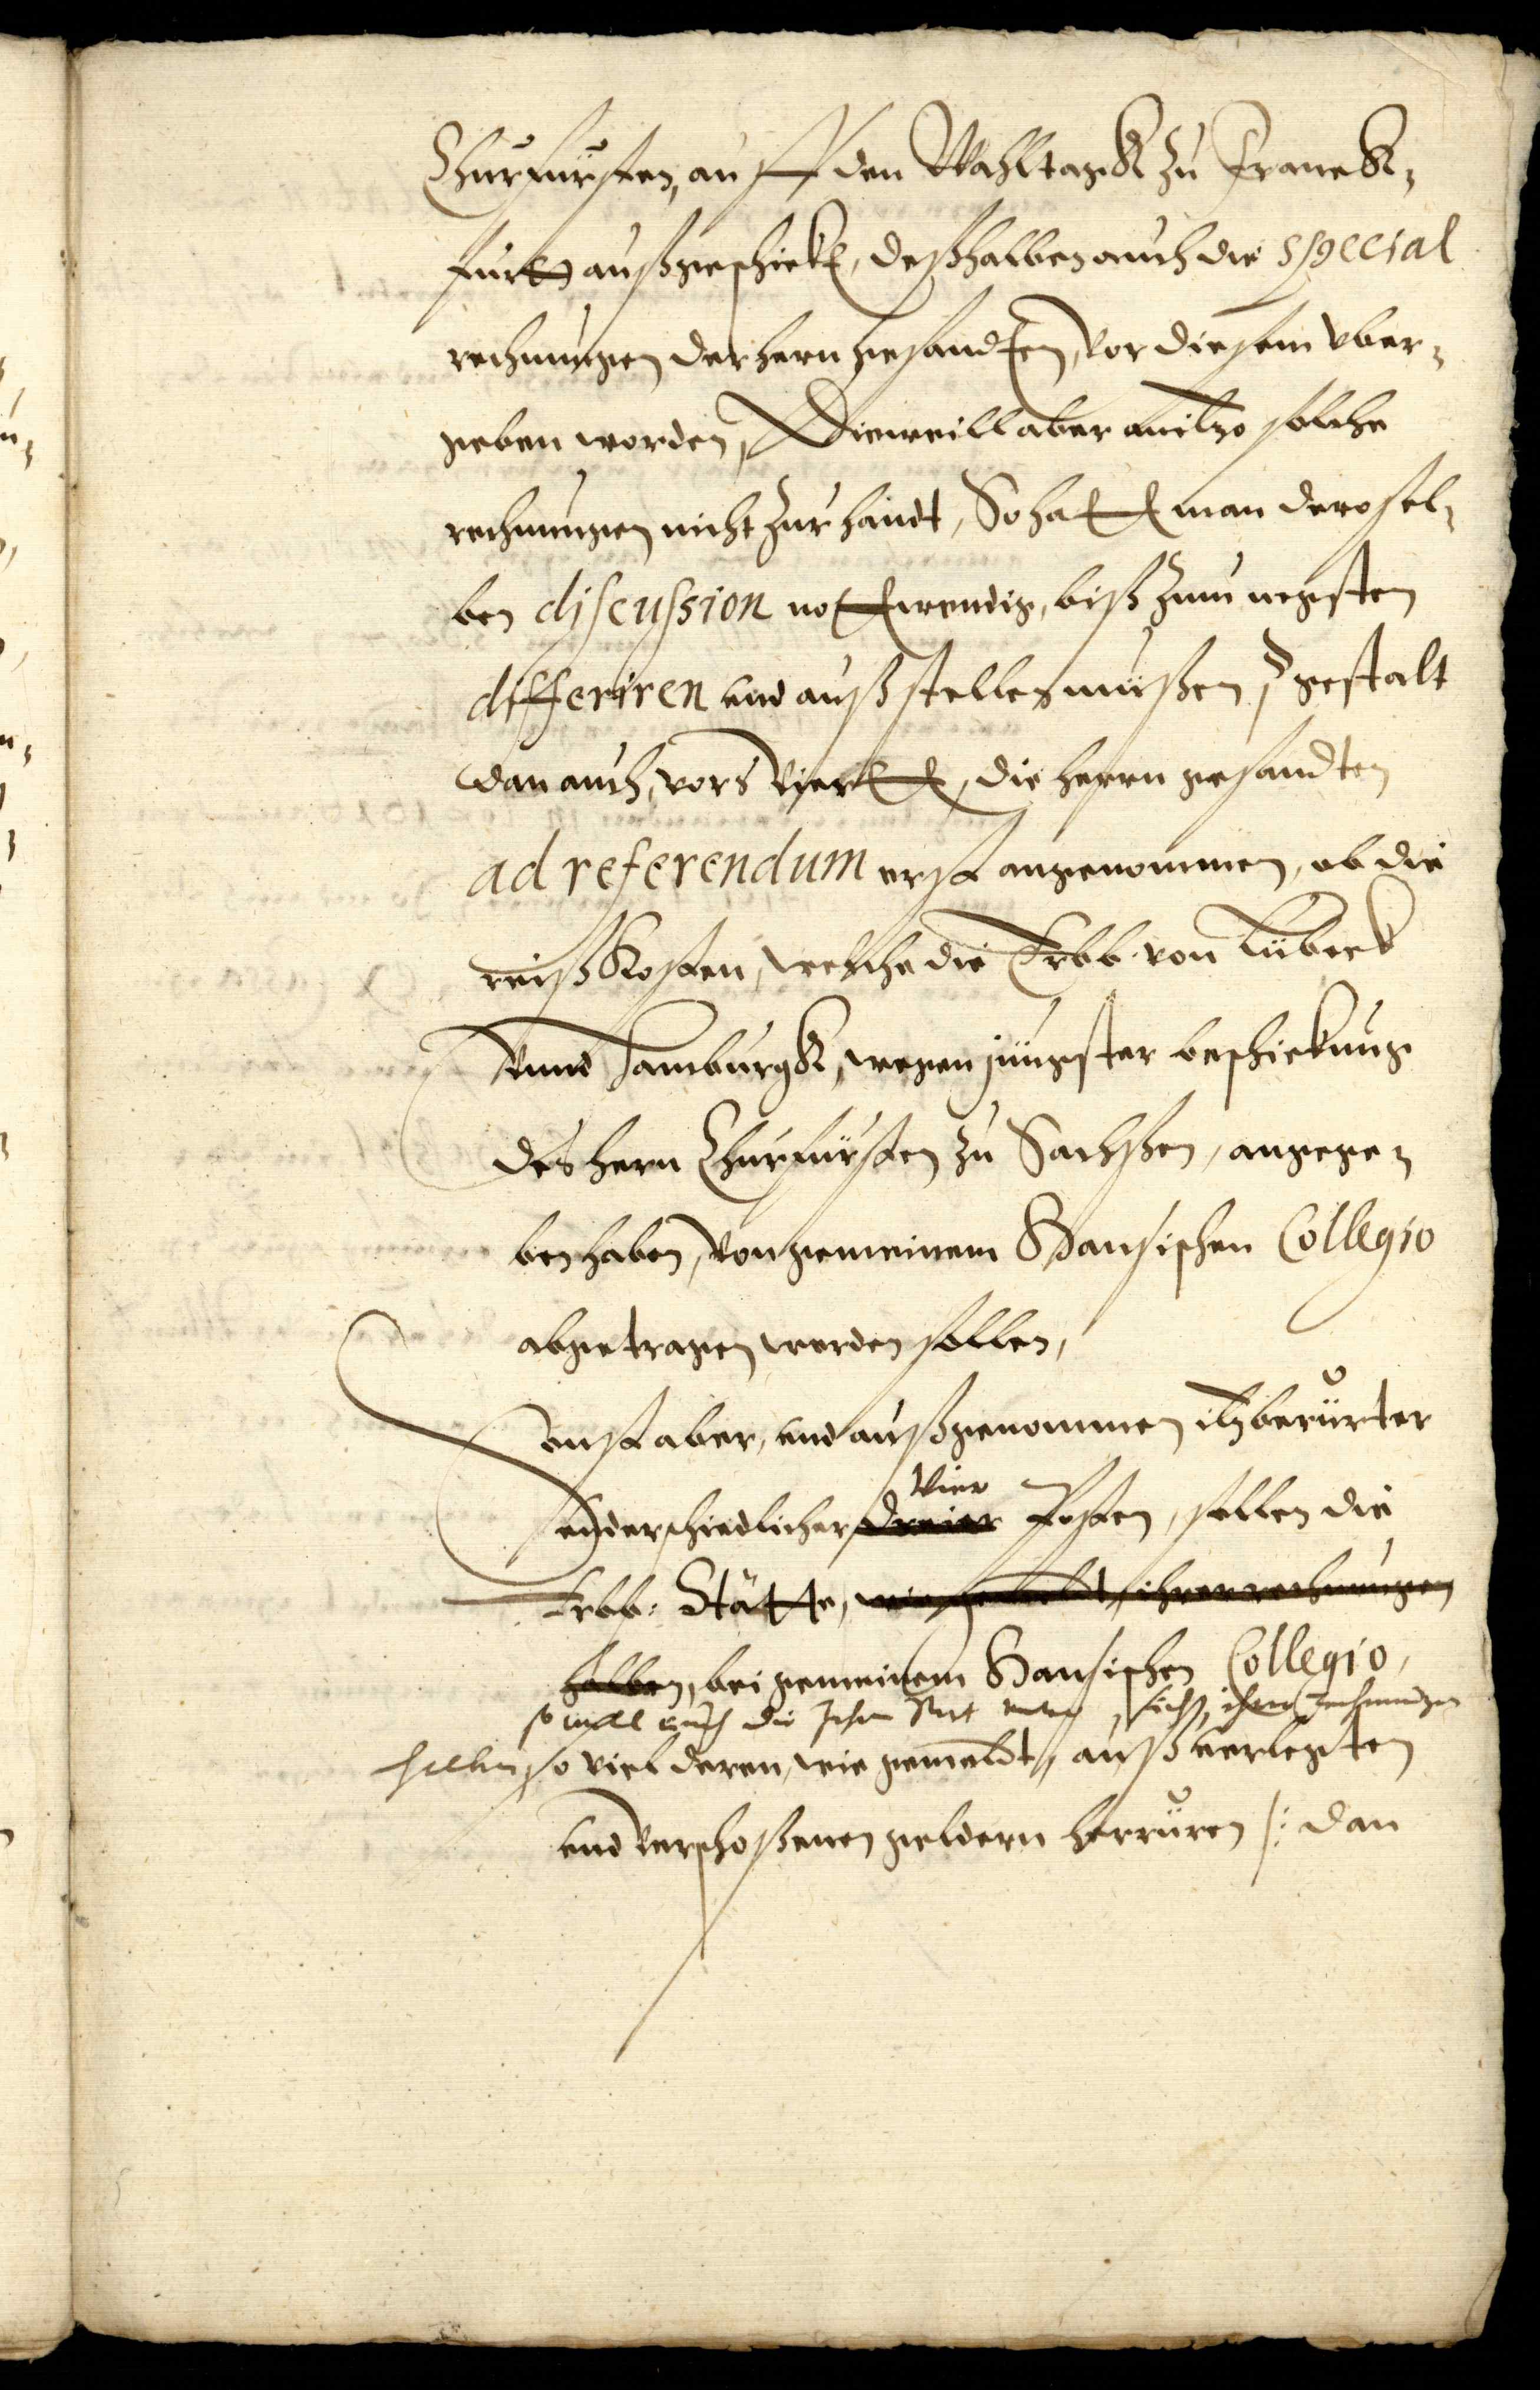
Churfürsten, auff den Wahltagk zu Franck¬
furtt außgeschickt, deßhalben auch die special
rechnungen der hern gesandten, Vor diesem vber¬
geben worden, Dieweill aber anitzo solche
rechnungen nicht zur handt, So hatt man derosel¬
ben discussion nottwendig, biß zum negsten
differiren vnd außstellen müßen, gestalt
dan auch, vors Viertt, die herrn gesandten
ad referendum erst angenommen, ob die
reißkosten, welche die Erbb. von Lübeck
Vnnd Hamburgk, wegen jüngster beschickung
des hern Churfürsten zu Sachßen, angege¬
ben haben, von gemeinem Hansischen Collegio
abgetragen werden sollen,
Sonst aber, vnd außgenommen itzberürter
Vier
vnderschiedlicher dreier Posten, sollen die
Erbb: Stätte, wie gehabt ihren rechnungen
halben, bei gemeinem Hansischen Collegio
so woll auch die Zehn Stet vnter sich ihrer rechnungen
halber, so viel deren, wie gemeldt, auß verlegten
vnd verschoßenen geldern herrüren /: dan
